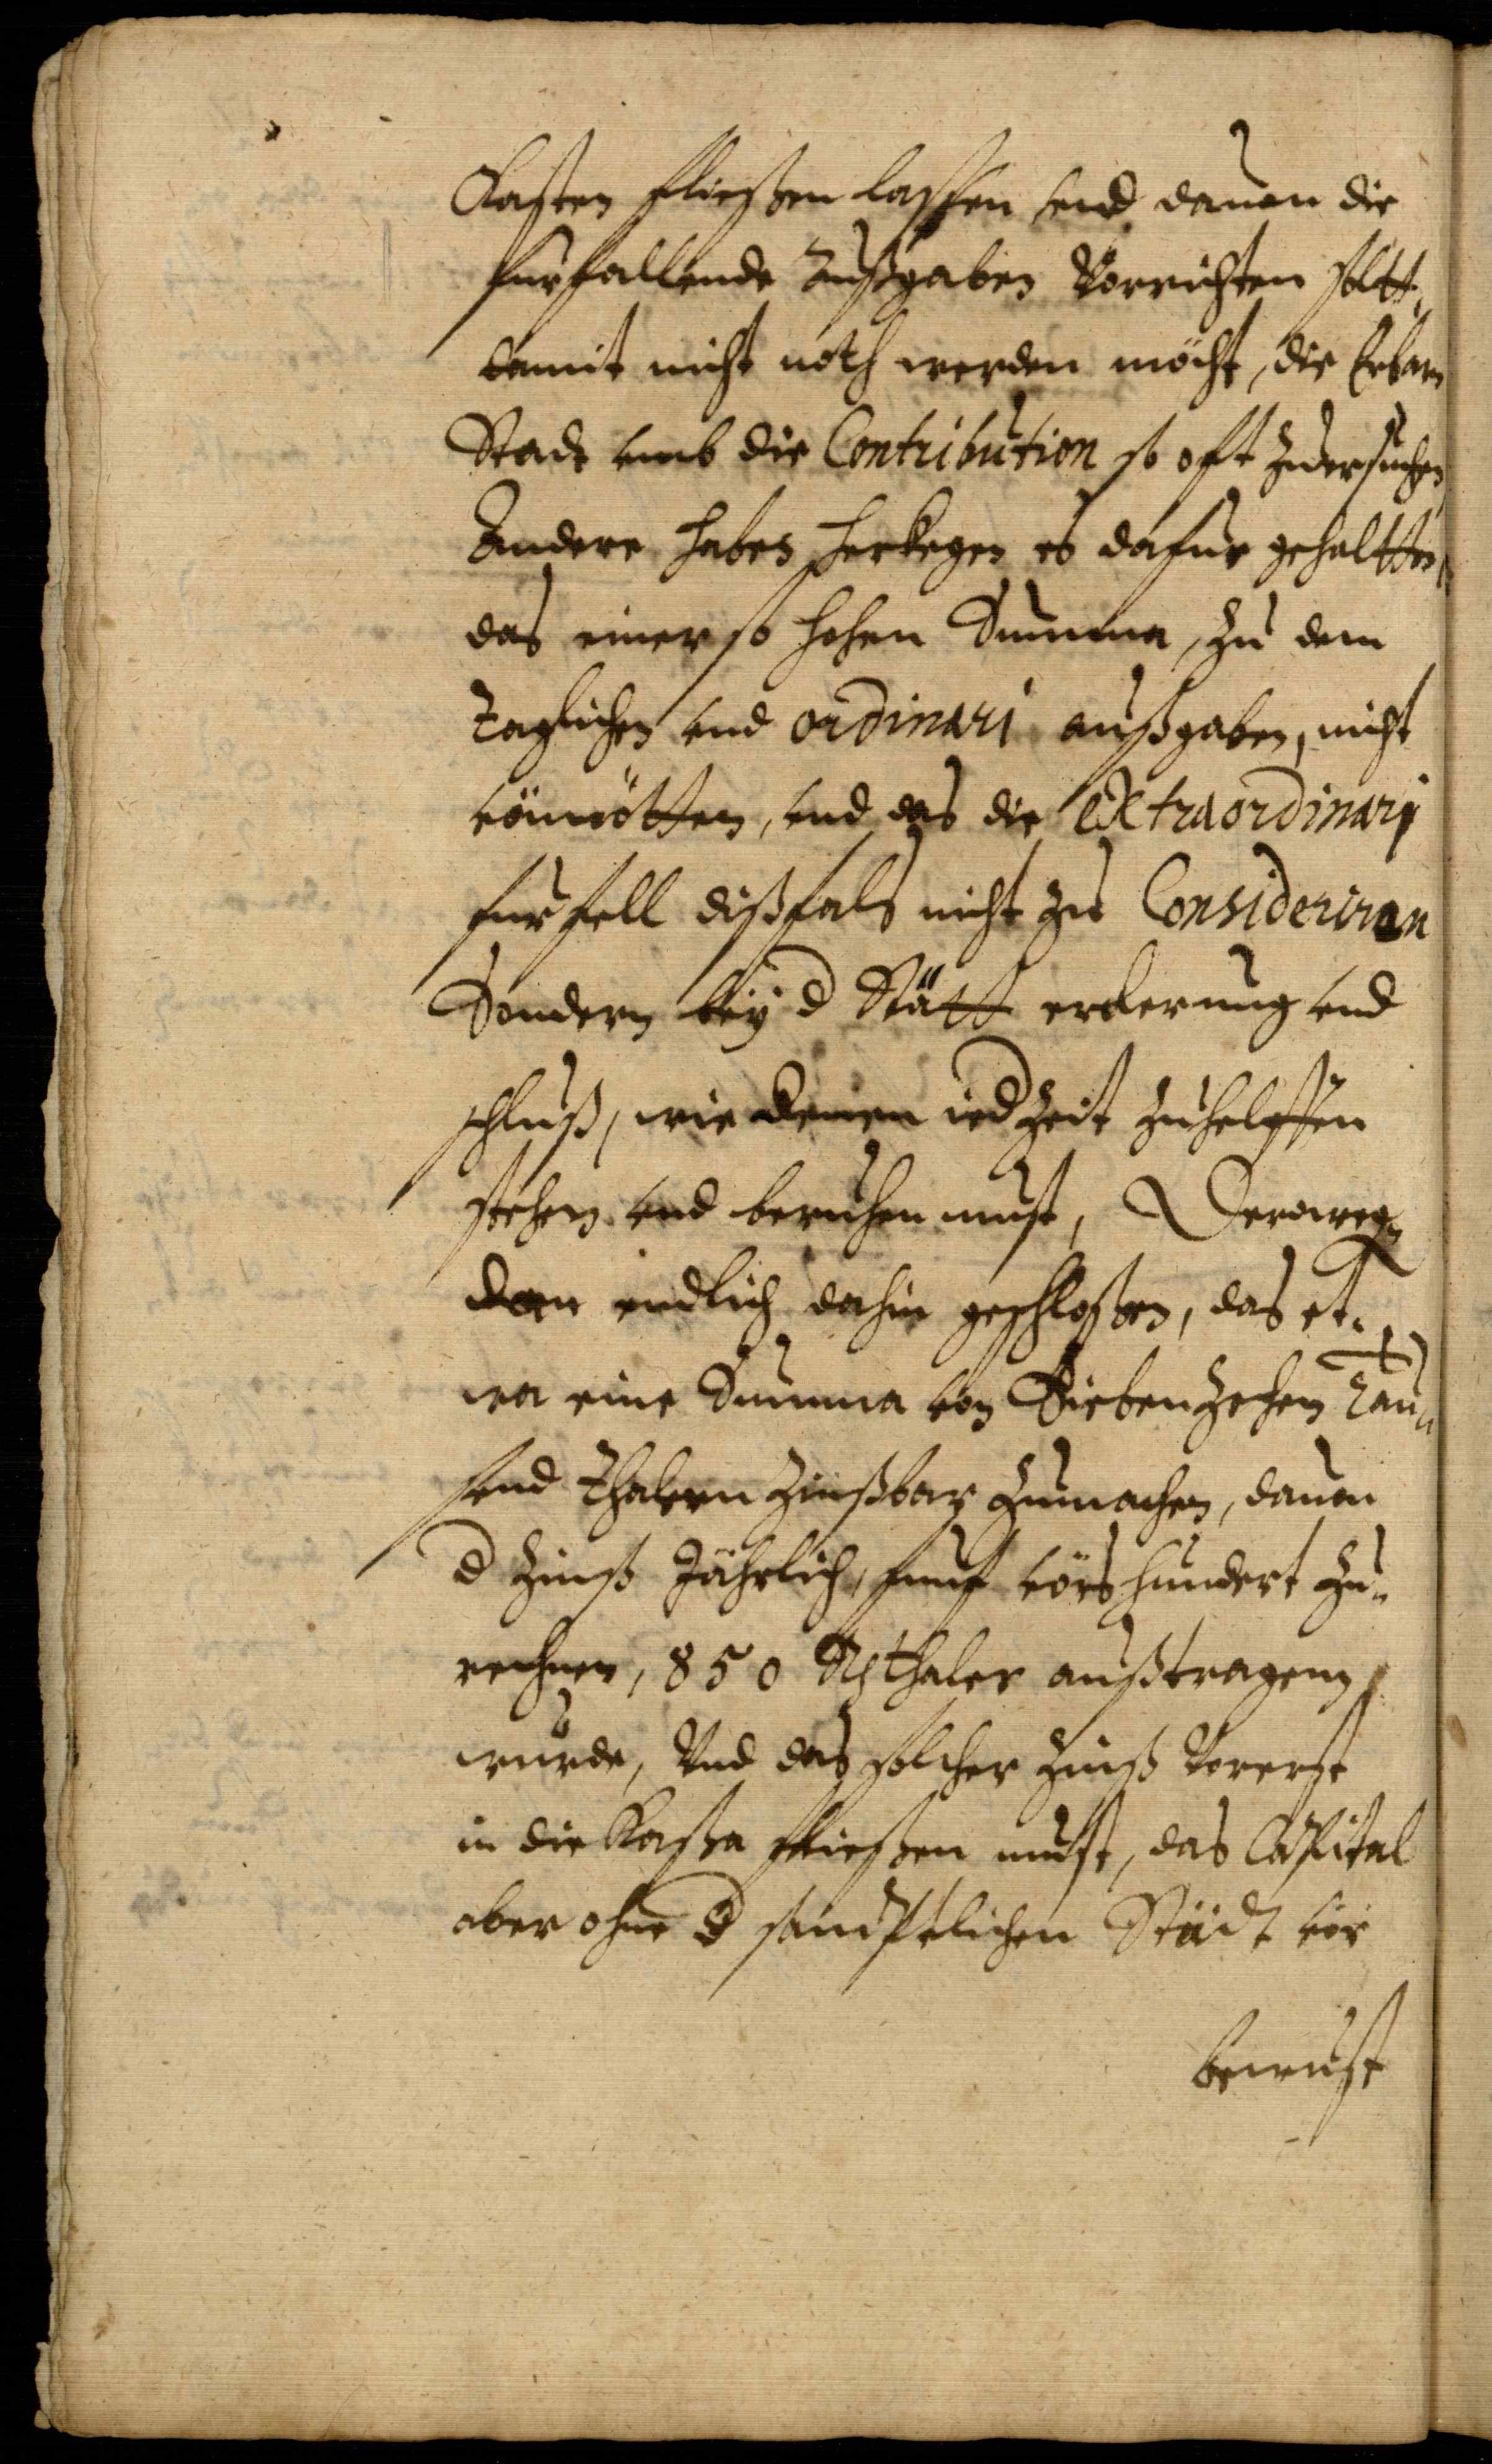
Kassen fließen laßen vnd dauon die
furfallende Außgaben vorrichten soltt,
damit nicht noth werden möcht, die Erbarn
Stadt vmb die Contribution so oft zuersuchen,
ander haben herkegen es dafur gehaltten,
das einer so hohen Summa, zu dem
taglichen vnd ordinari, außgaben, nicht
vönnötten, vnd das die extraordinari
furfell dißfals nicht zu Consideriren
sondern beij der Stätt erclerung vnd
schluß, wie denen ieder zeit zuhelffen
stehen, vnd beruhen must, derowegen
dan endlich dahin geschloßen, das et¬
wa eine Summa von Siebenzehen Tau¬
send Thalern zinßbar zumachen, dauon
der zinß Jährlich funf vörs hundert zu¬
rechnen, 850 Rhthaler außtragenn
würde, vnd das solcher zinß vorerst
in die Kaßa schießen must, das Capital
aber ohne die samptlichen Städt vör
bewust
